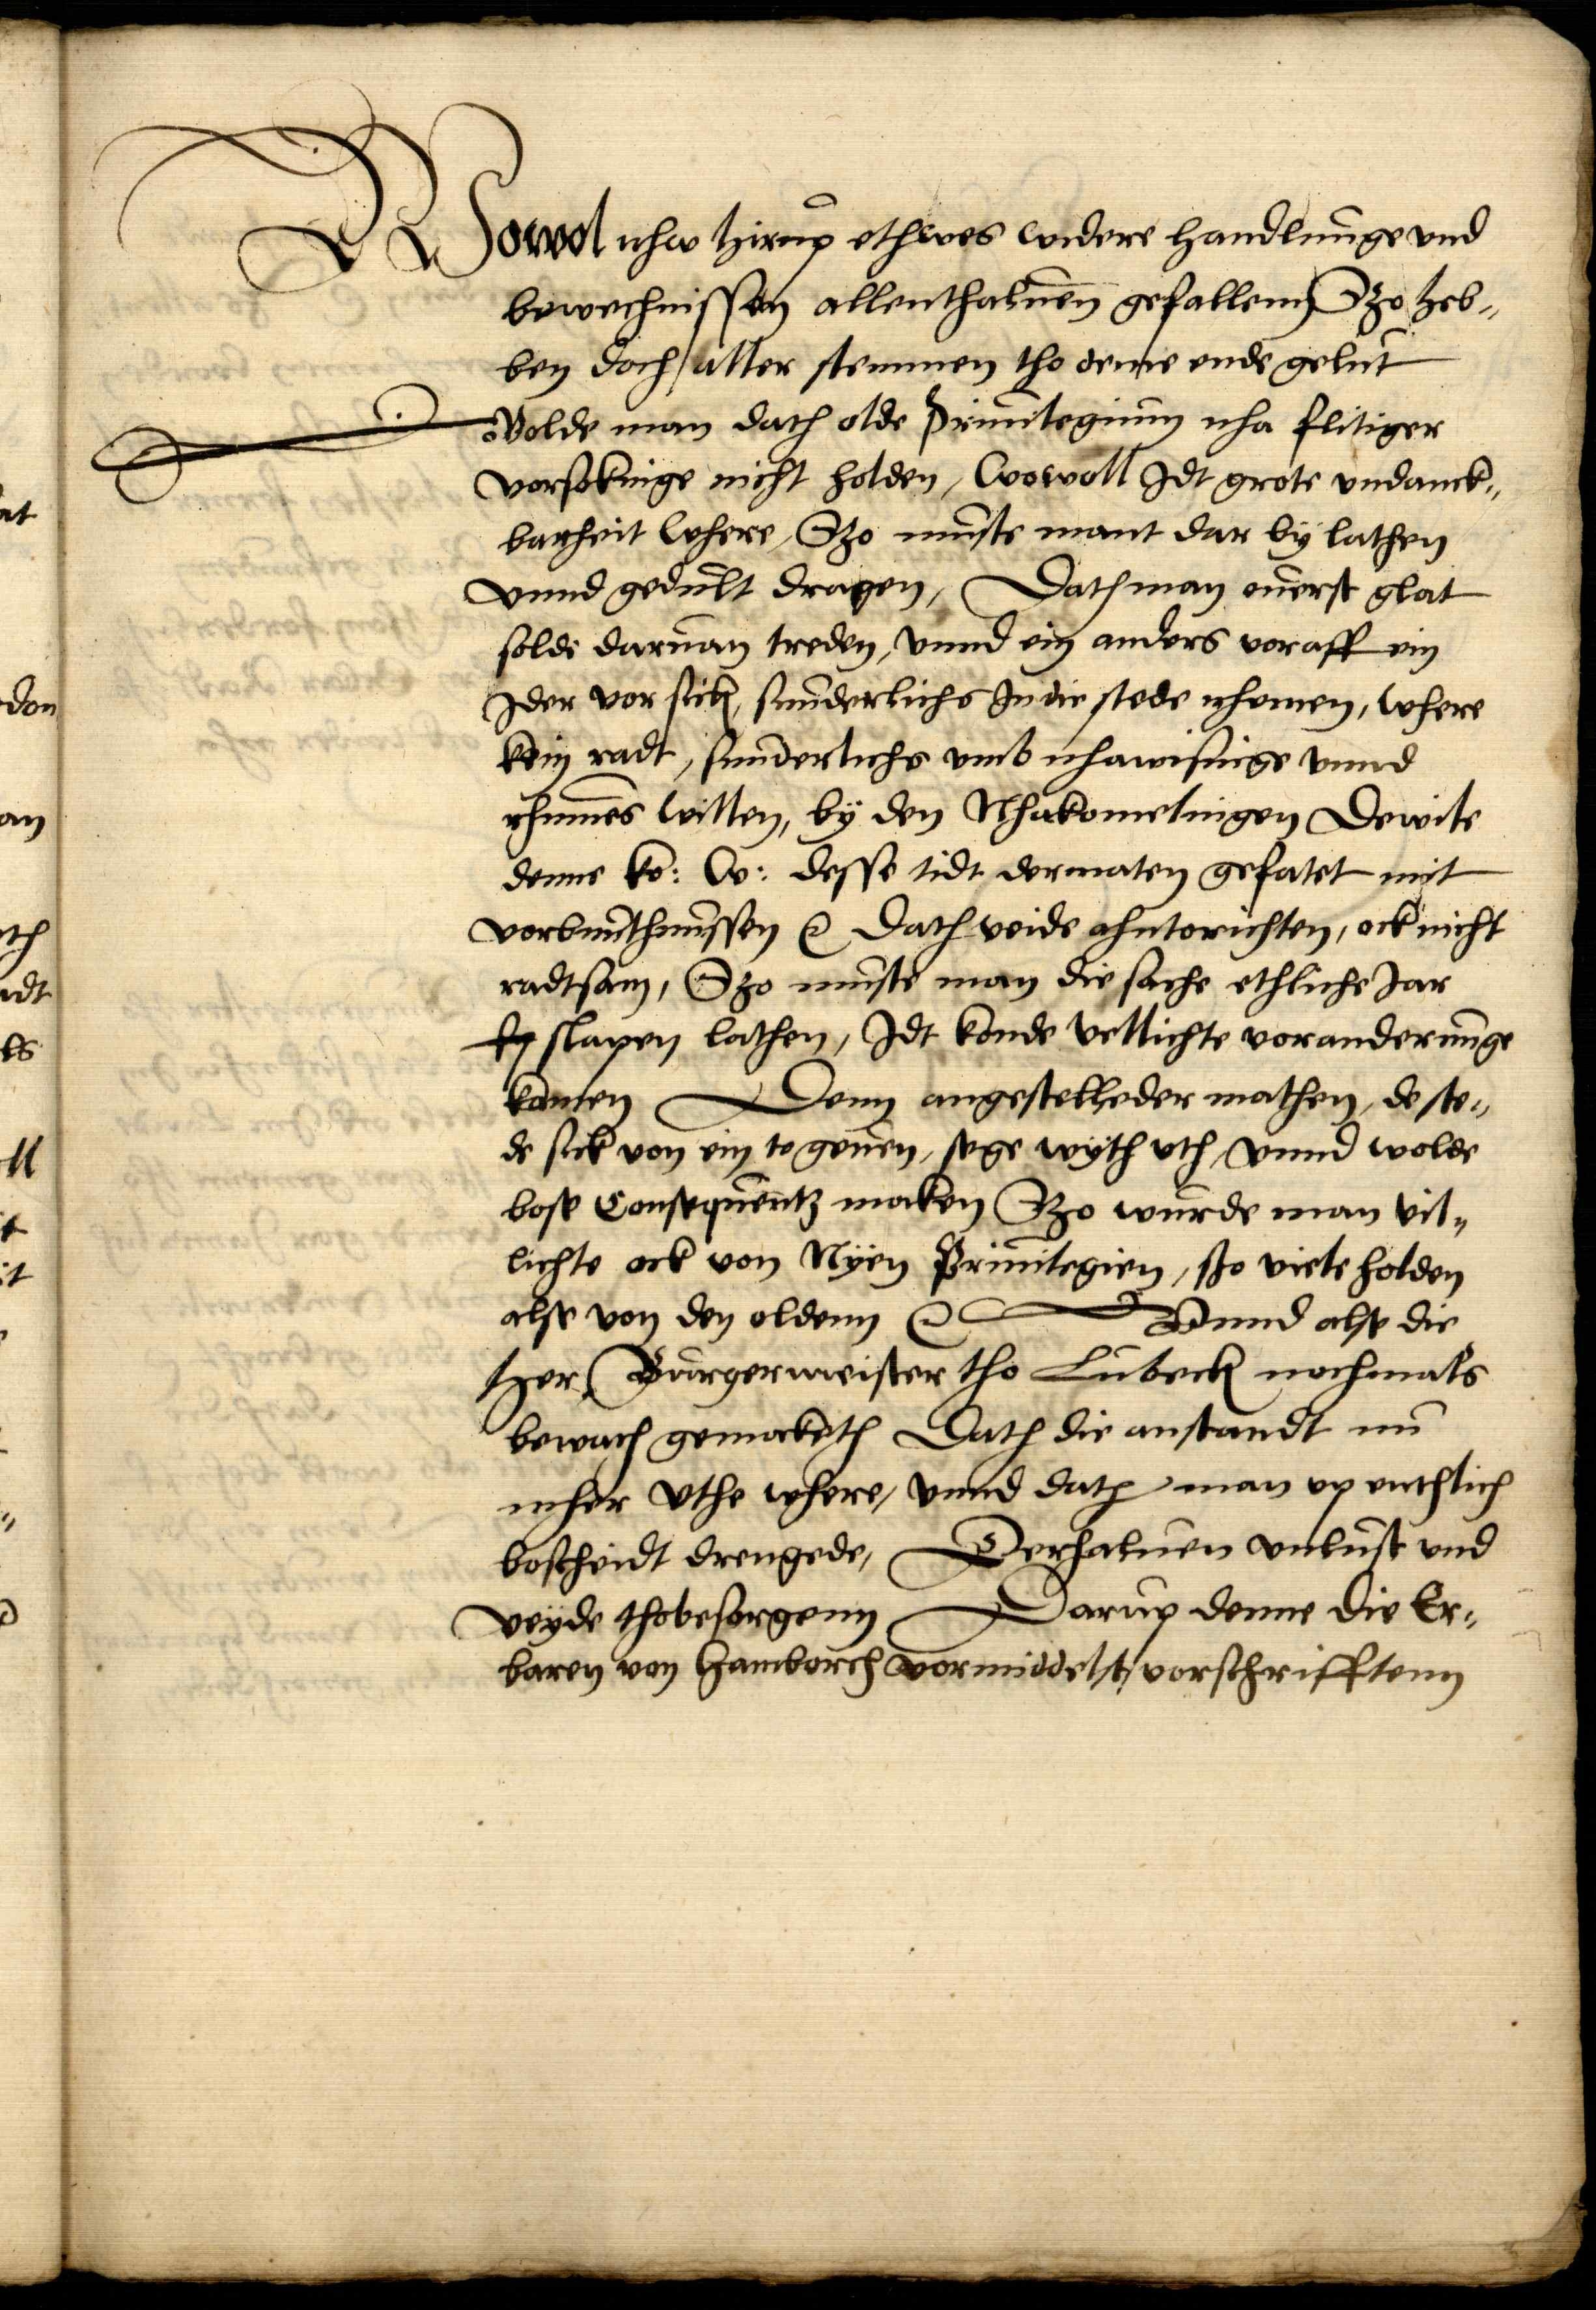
Wowol nhw hirup ethwes widere handlunge vnd
bewechnissen allenthaluen gefallenn Szo heb¬
ben doch aller stemmen tho deme ende gelut
Wolde man dath olde Priuilegium nha flitiger
vorsokinge nicht holden, wowoll Idt grote vndanck¬
barheit where, Szo muste mant dar bij lathen
vnnd gedult dragen, Dath man ouerst glat
solde daruan treden, vnnd ein anders voraff ein
Ider vor sick, sunderlichs In die stede nhemen, where
kein radt, sunderlichs vmb nhawisinge vnnd
rhumes willen, bij den Nhakomelingen Dewile
denne Ko: W: desse tidt dermaten gefatet mit
vorbunthnussen etc Dath veide ahntorichten, ock nicht
radtsam, Szo muste man die sache etliche Iar
sp slapen lathen, Idt konde vellichte voranderunge
kamen Denn angestelleder mathen, de ste¬
de sick von ein to geuen, sege wijth vth, vnnd wolde
bose Consequentz maken Szo wurde man vil¬
lichte ock von Nijen Priuilegien, ßo viele holden
alse von den oldenn Vnnd alse die
Her Burgermeister tho Lubeck nochmals
bewach gemaketh Dath die anstandt nu
mher vthe where, vnnd dath man vp enthlich
bescheidt drengede Derhaluen vnlust vnd
veijde thobesorgenn Darup denne die Er¬
baren von Hamborch vormiddelst vorschrifftenn
